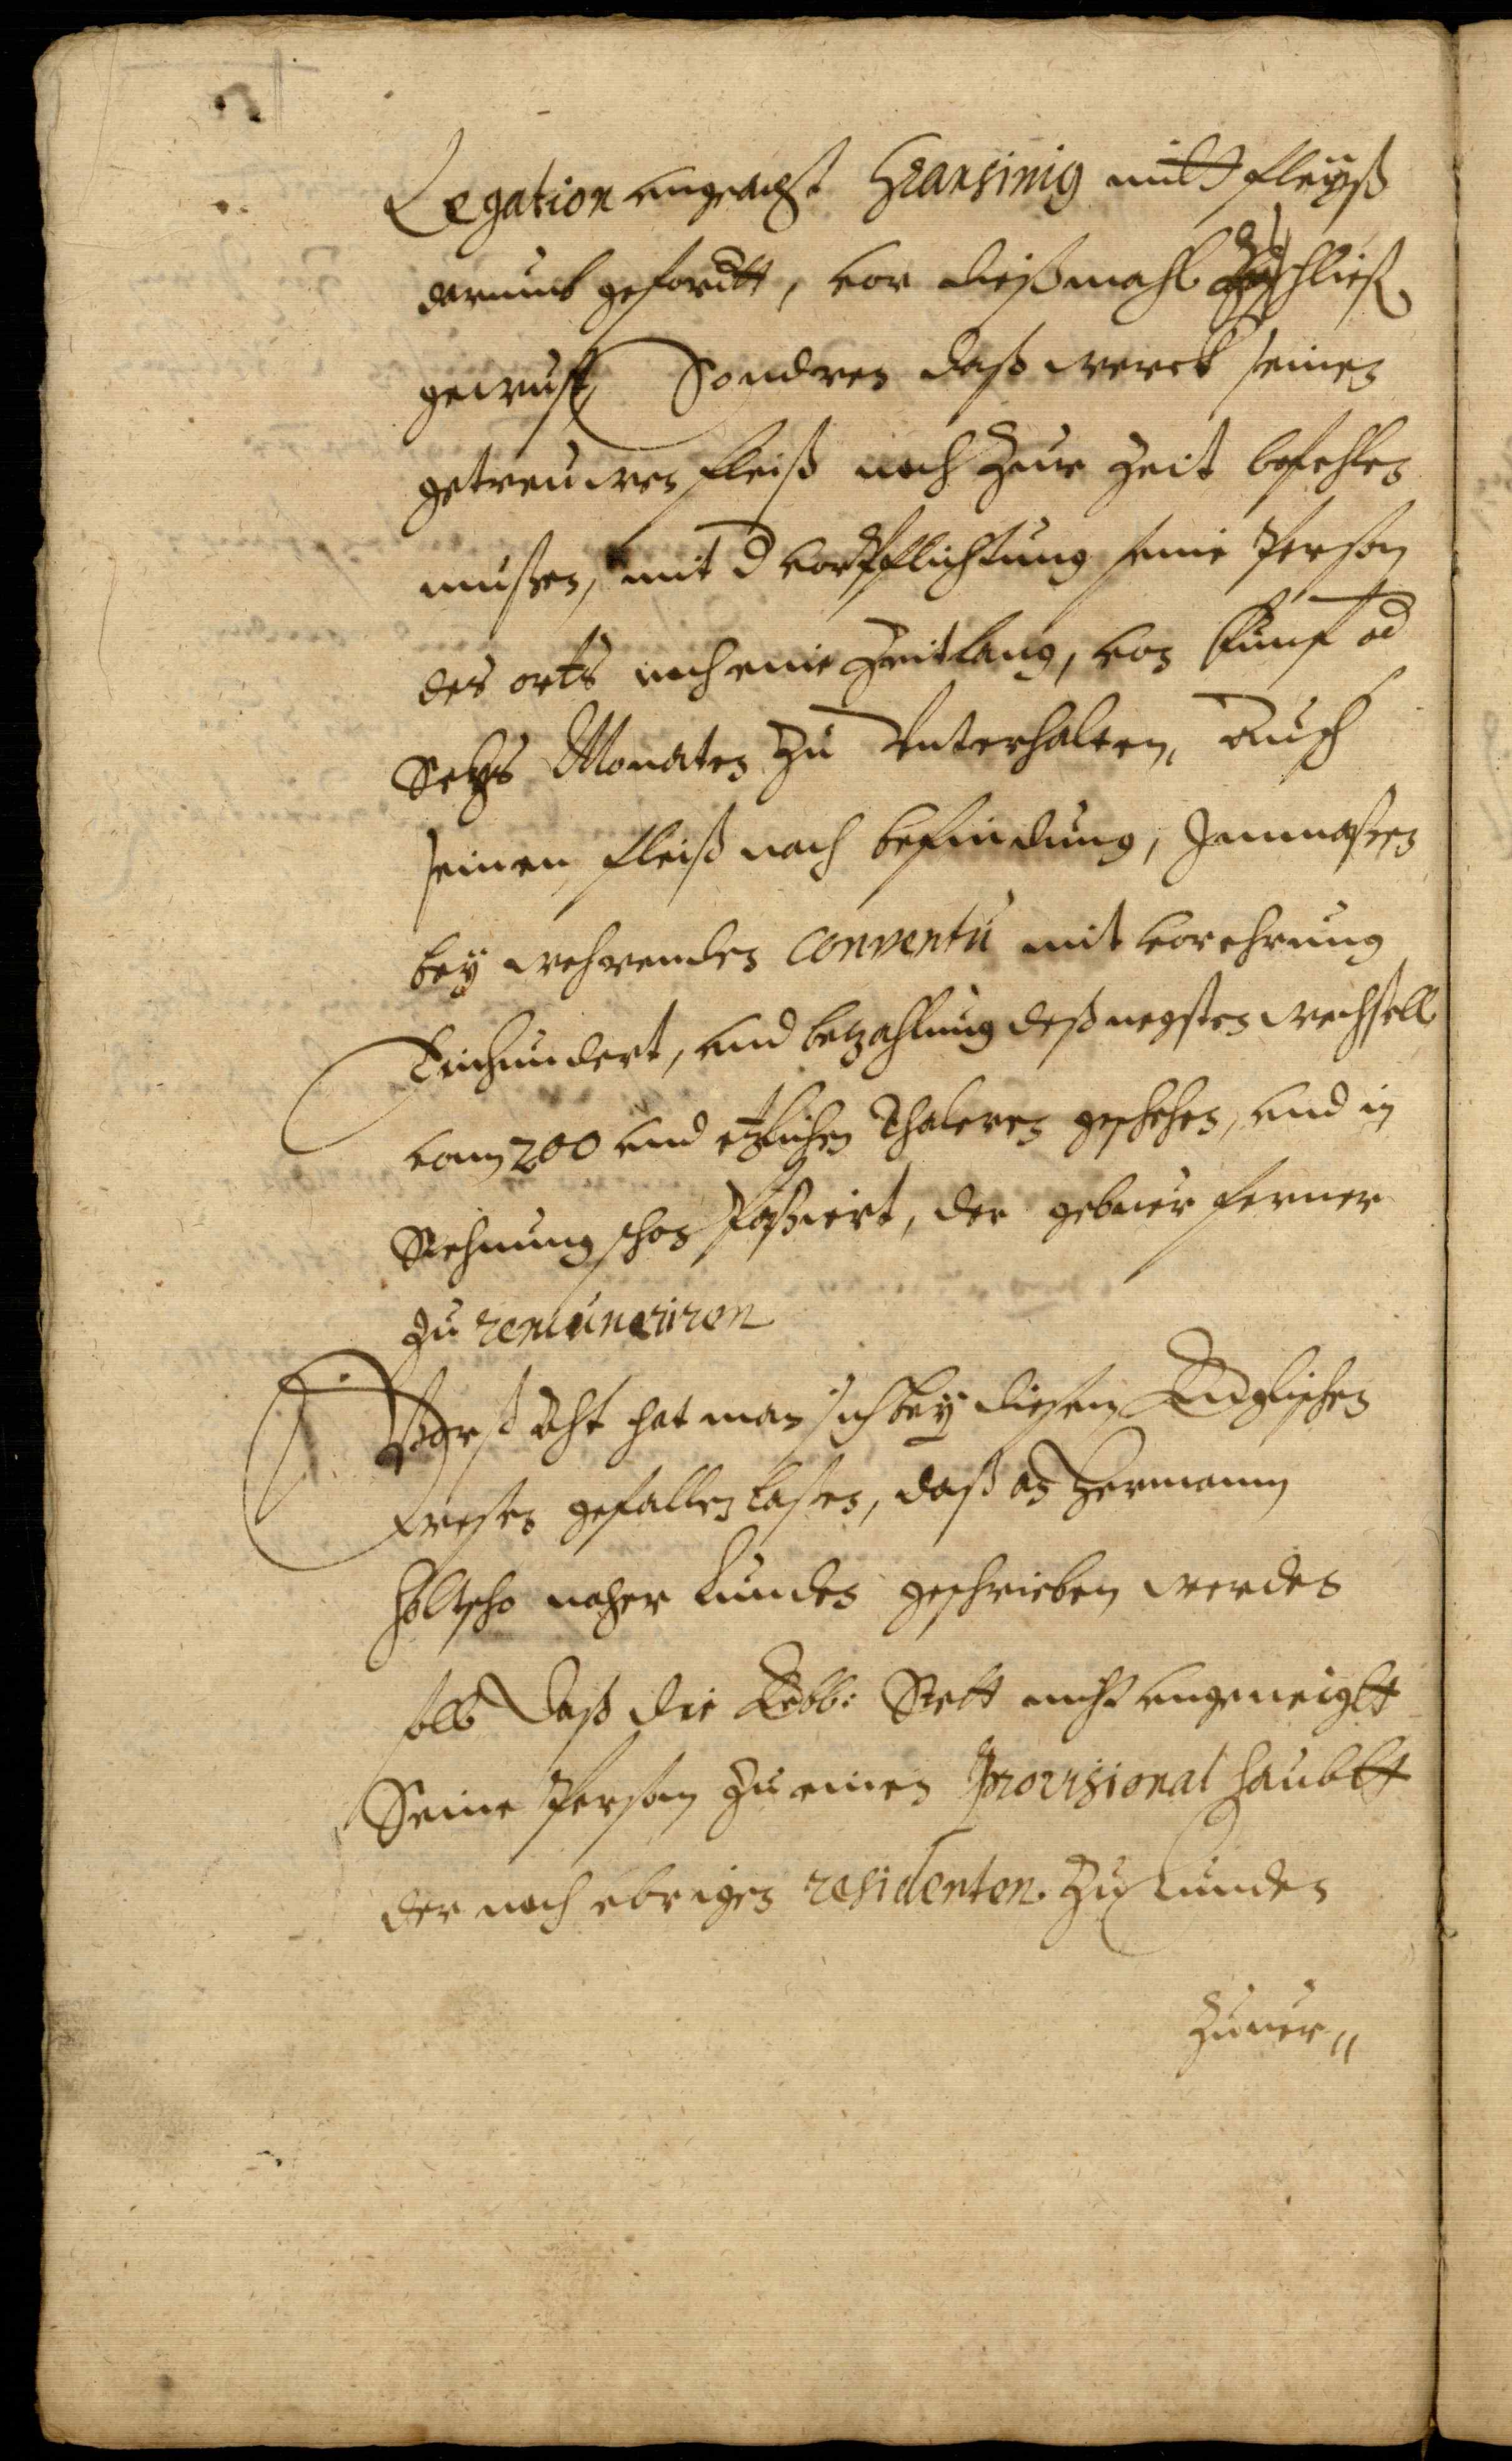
Legation vngeacht Gransinius mitt fleijß
darumb gefordertt, vor dießmahl zuschließen
gewußt, Sondren daß werck seinen
getreuwen fleiß noch zur zeit befehlen
mußen, mit der vorpflichtung seine Person
des orts noch eine zeitlang, von funf oder
Sechs Monaten zu Vnterhalten, Auf
seinen fleiß nach befindung, Innmaßen
beij wehrenden conventu mit vorehrung
Einhundert, vnd betzahlung deß negsten wechsell
von 200 vnd etzlichen Thaleren geschehen, vnd in
Rechnung schon Paßiert, der gebuer ferner
zu remunoriren
Vorß Acht hat man sich beij diesem Englischen
wesen gefallen laßen, daß an Hermann
holtscho naher Lunden geschrieben werden
soll Daß die Erbb: Stett nicht vngeneigtt
Seine Person zu einen provisional haubtt
der noch vbrigen residenten zu Lunden
zuuer¬
